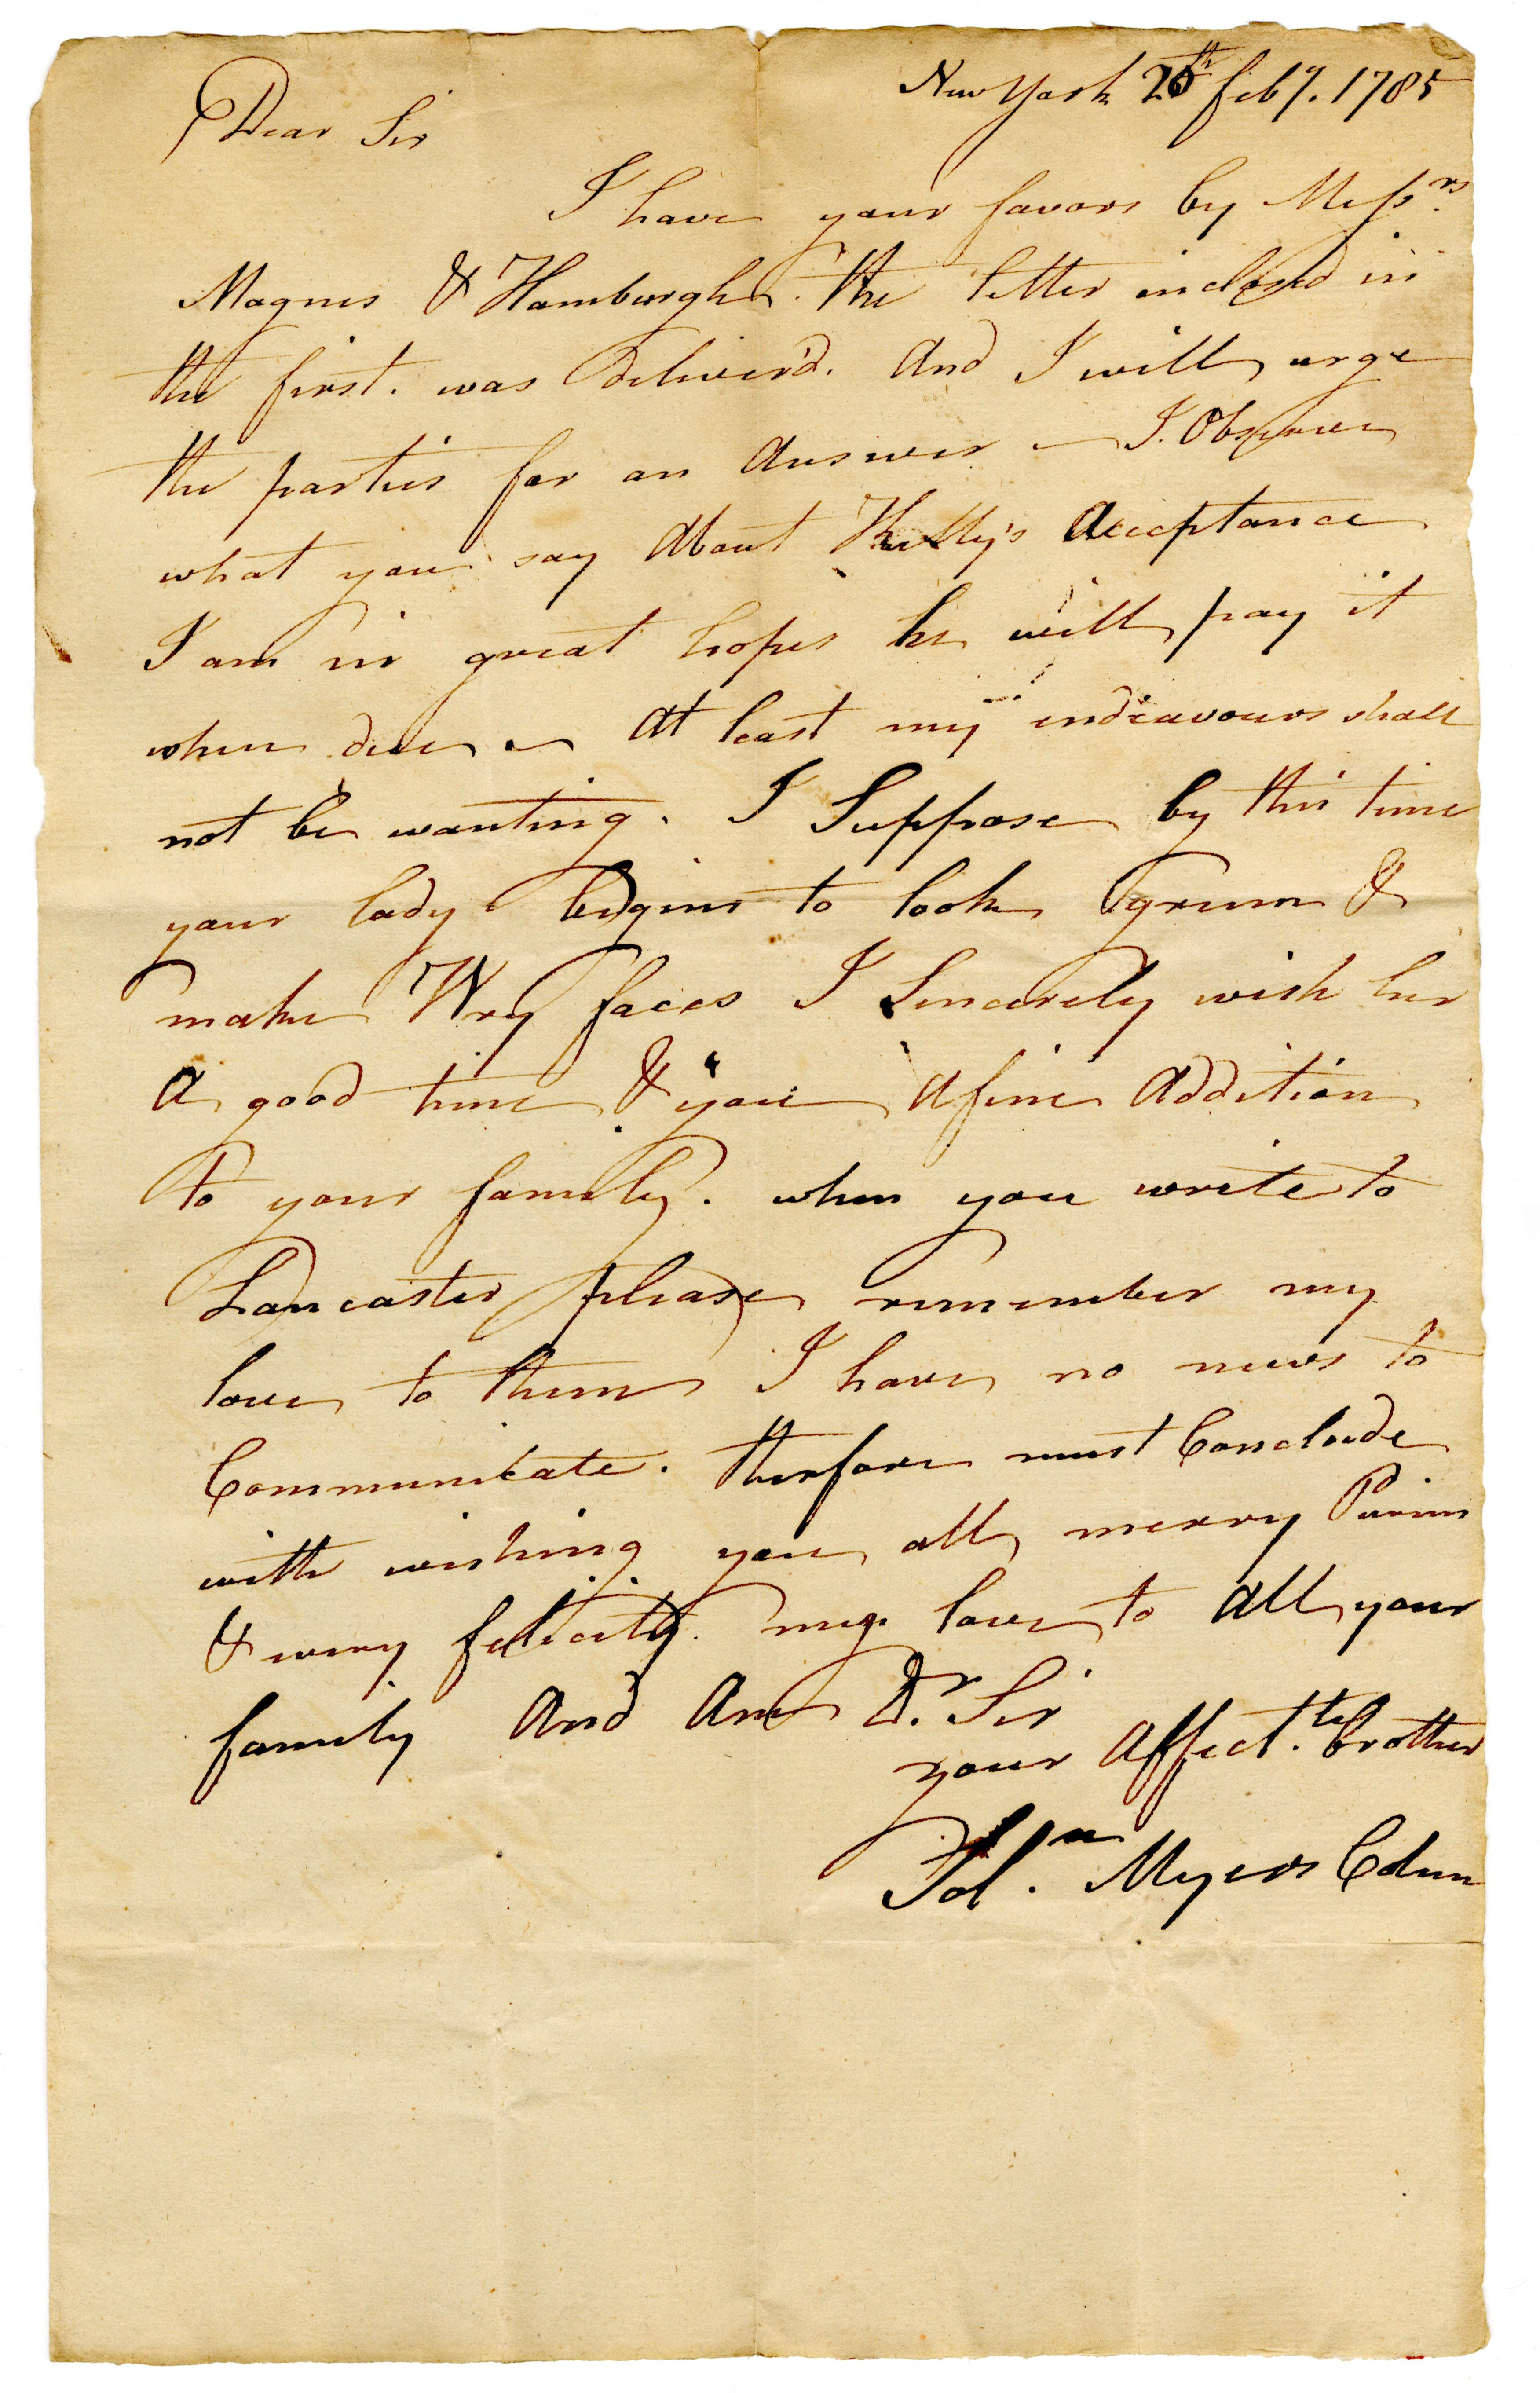New York 20^th feb^y. 1785
Dear Sir
I have your favors by Mess^rs.
Magnes & Hamburgh the letter in closed in
the first. was deliver'd. And I will urge
the parties for an Answer.- I observe
what you say about Kelly's Acceptance
I am in great hopes he will pay it
when due.- At least my endeavours shall
not be wanting. I suppose by this time
your lady began to took grim &
make Wry faces I Sincerely wish her
a good time & you a fine Addition
to your family. when you write to
Lancaster please remember my
love to them I have no news to
communicate. therfore must Conclude
with wishing you all merry Purim
& every felicity. my love to All your
family and am D^r Sir
your Affect^te Brother
Sol^m Myers Cohen